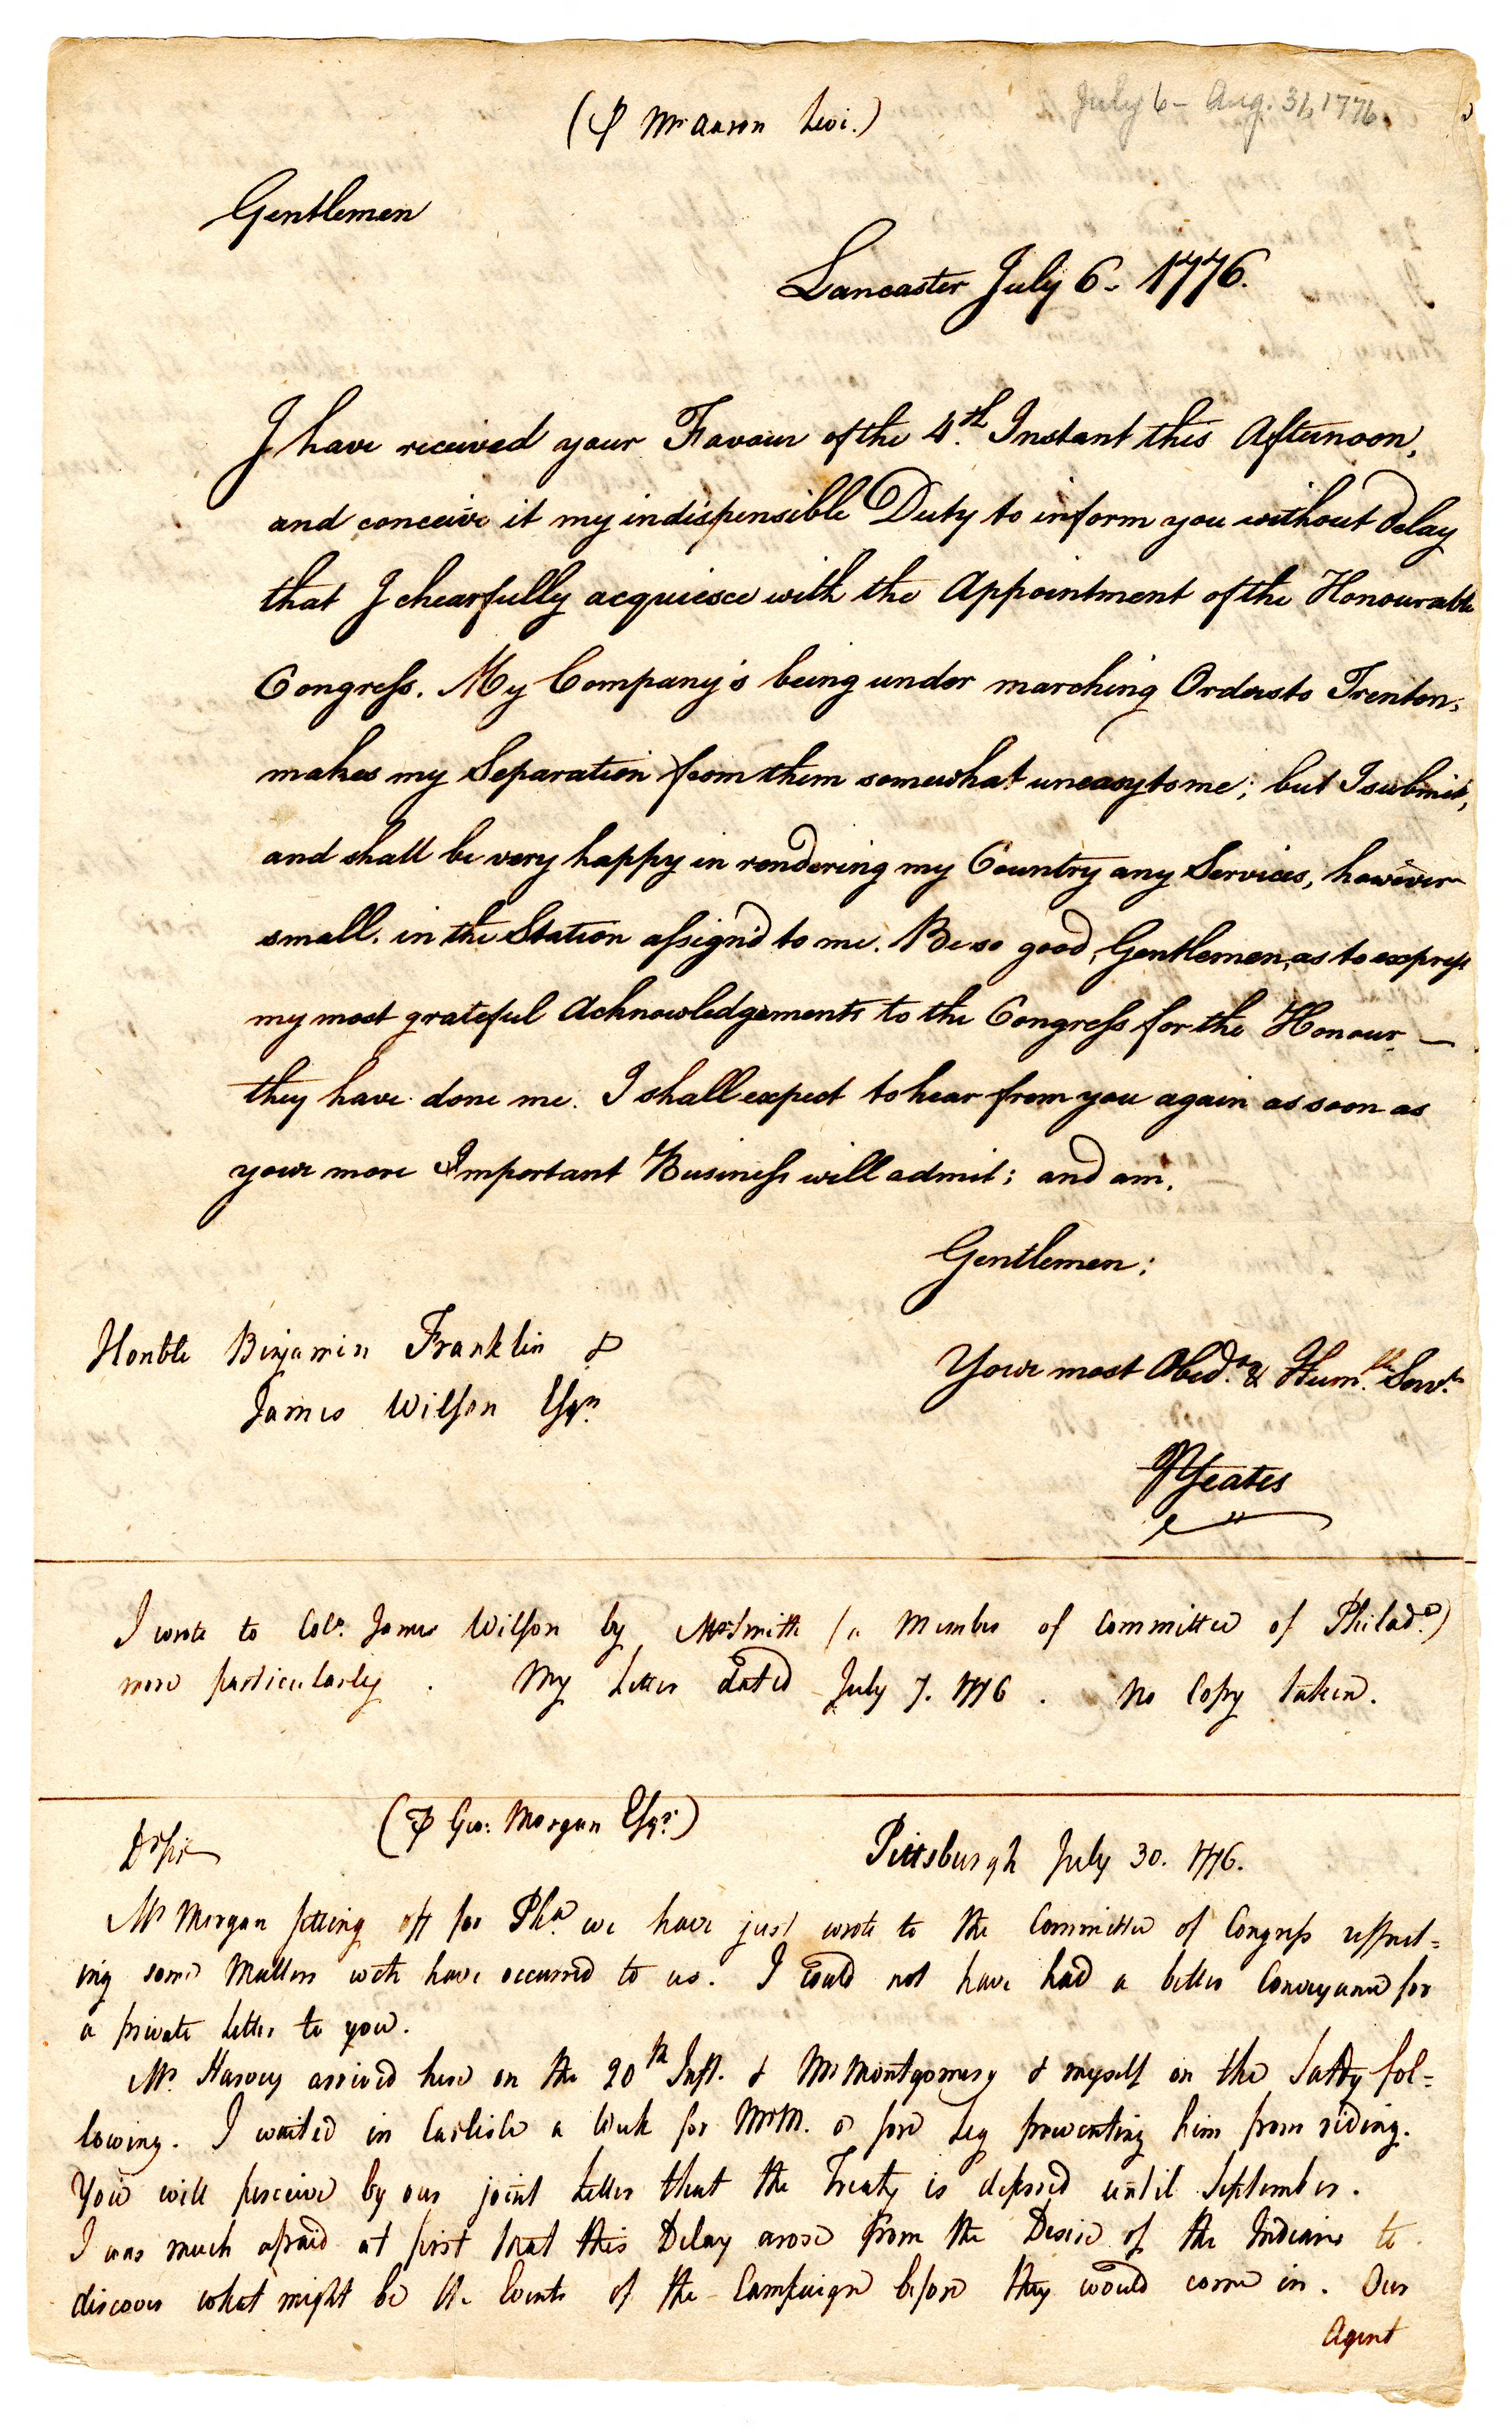(Per M^r Aaron Levi.)
Lancaster July 6. 1776.
Gentlemen
I have received your Favour of the 4^th. Instant this Afternoon,
and conceive it my indispensible Duty to inform you without delay
that I chearfully acquiesce with the Appointment of the Honourable
Congress. My Company's being under marching Orders to Trenton,
makes my Separation from them somewhat uneasy to me; but I submit,
and shall be very happy in rendering my Country any Services, however
small in the Station assign'd to me. Be so good, Gentlemen, as to express
my most grateful Acknowledgements to the Congress for the Honour –
they have done me. I shall expect to hear from you again as soon as
your more Important Business will admit; and am,
Gentlemen:
Your most Obed^t. & Hum^ble. Serv^t.
J. Yeates
Honble Benjamin Franklin &
James Wilson Esq^e.
I wrote to Col^o. James Wilson by M^r Smith to Members of committee of Philad^a.
more particularly. My Letter dated July 7. 1776. No Copy taken.
(Per Geo: Morgan Esq^e.)
Pittsburgh July 30. 1776.
D^r Sir
M^r. Morgan setting off for Ph^a. we have just wrote to the Committee of Congress respect-
ing some Matters wch have occurred to us. I could not have had a better Conveyance for
a private letter to you.
Mr Harvey arrived here in the 20^th Inst. & M^r Montgomery, & myself on the Satdy fol-
lowing. I waited in Carlisle a wink for M^r M. a sore leg preventing him from riding.
You will perceive by our joint Letter that the Treaty is deposed until September.
I was much afraid at first that this Delay arose from the Desire of the Indians to
discover what might be the events of the Campaign before they would come in. Our
Agent